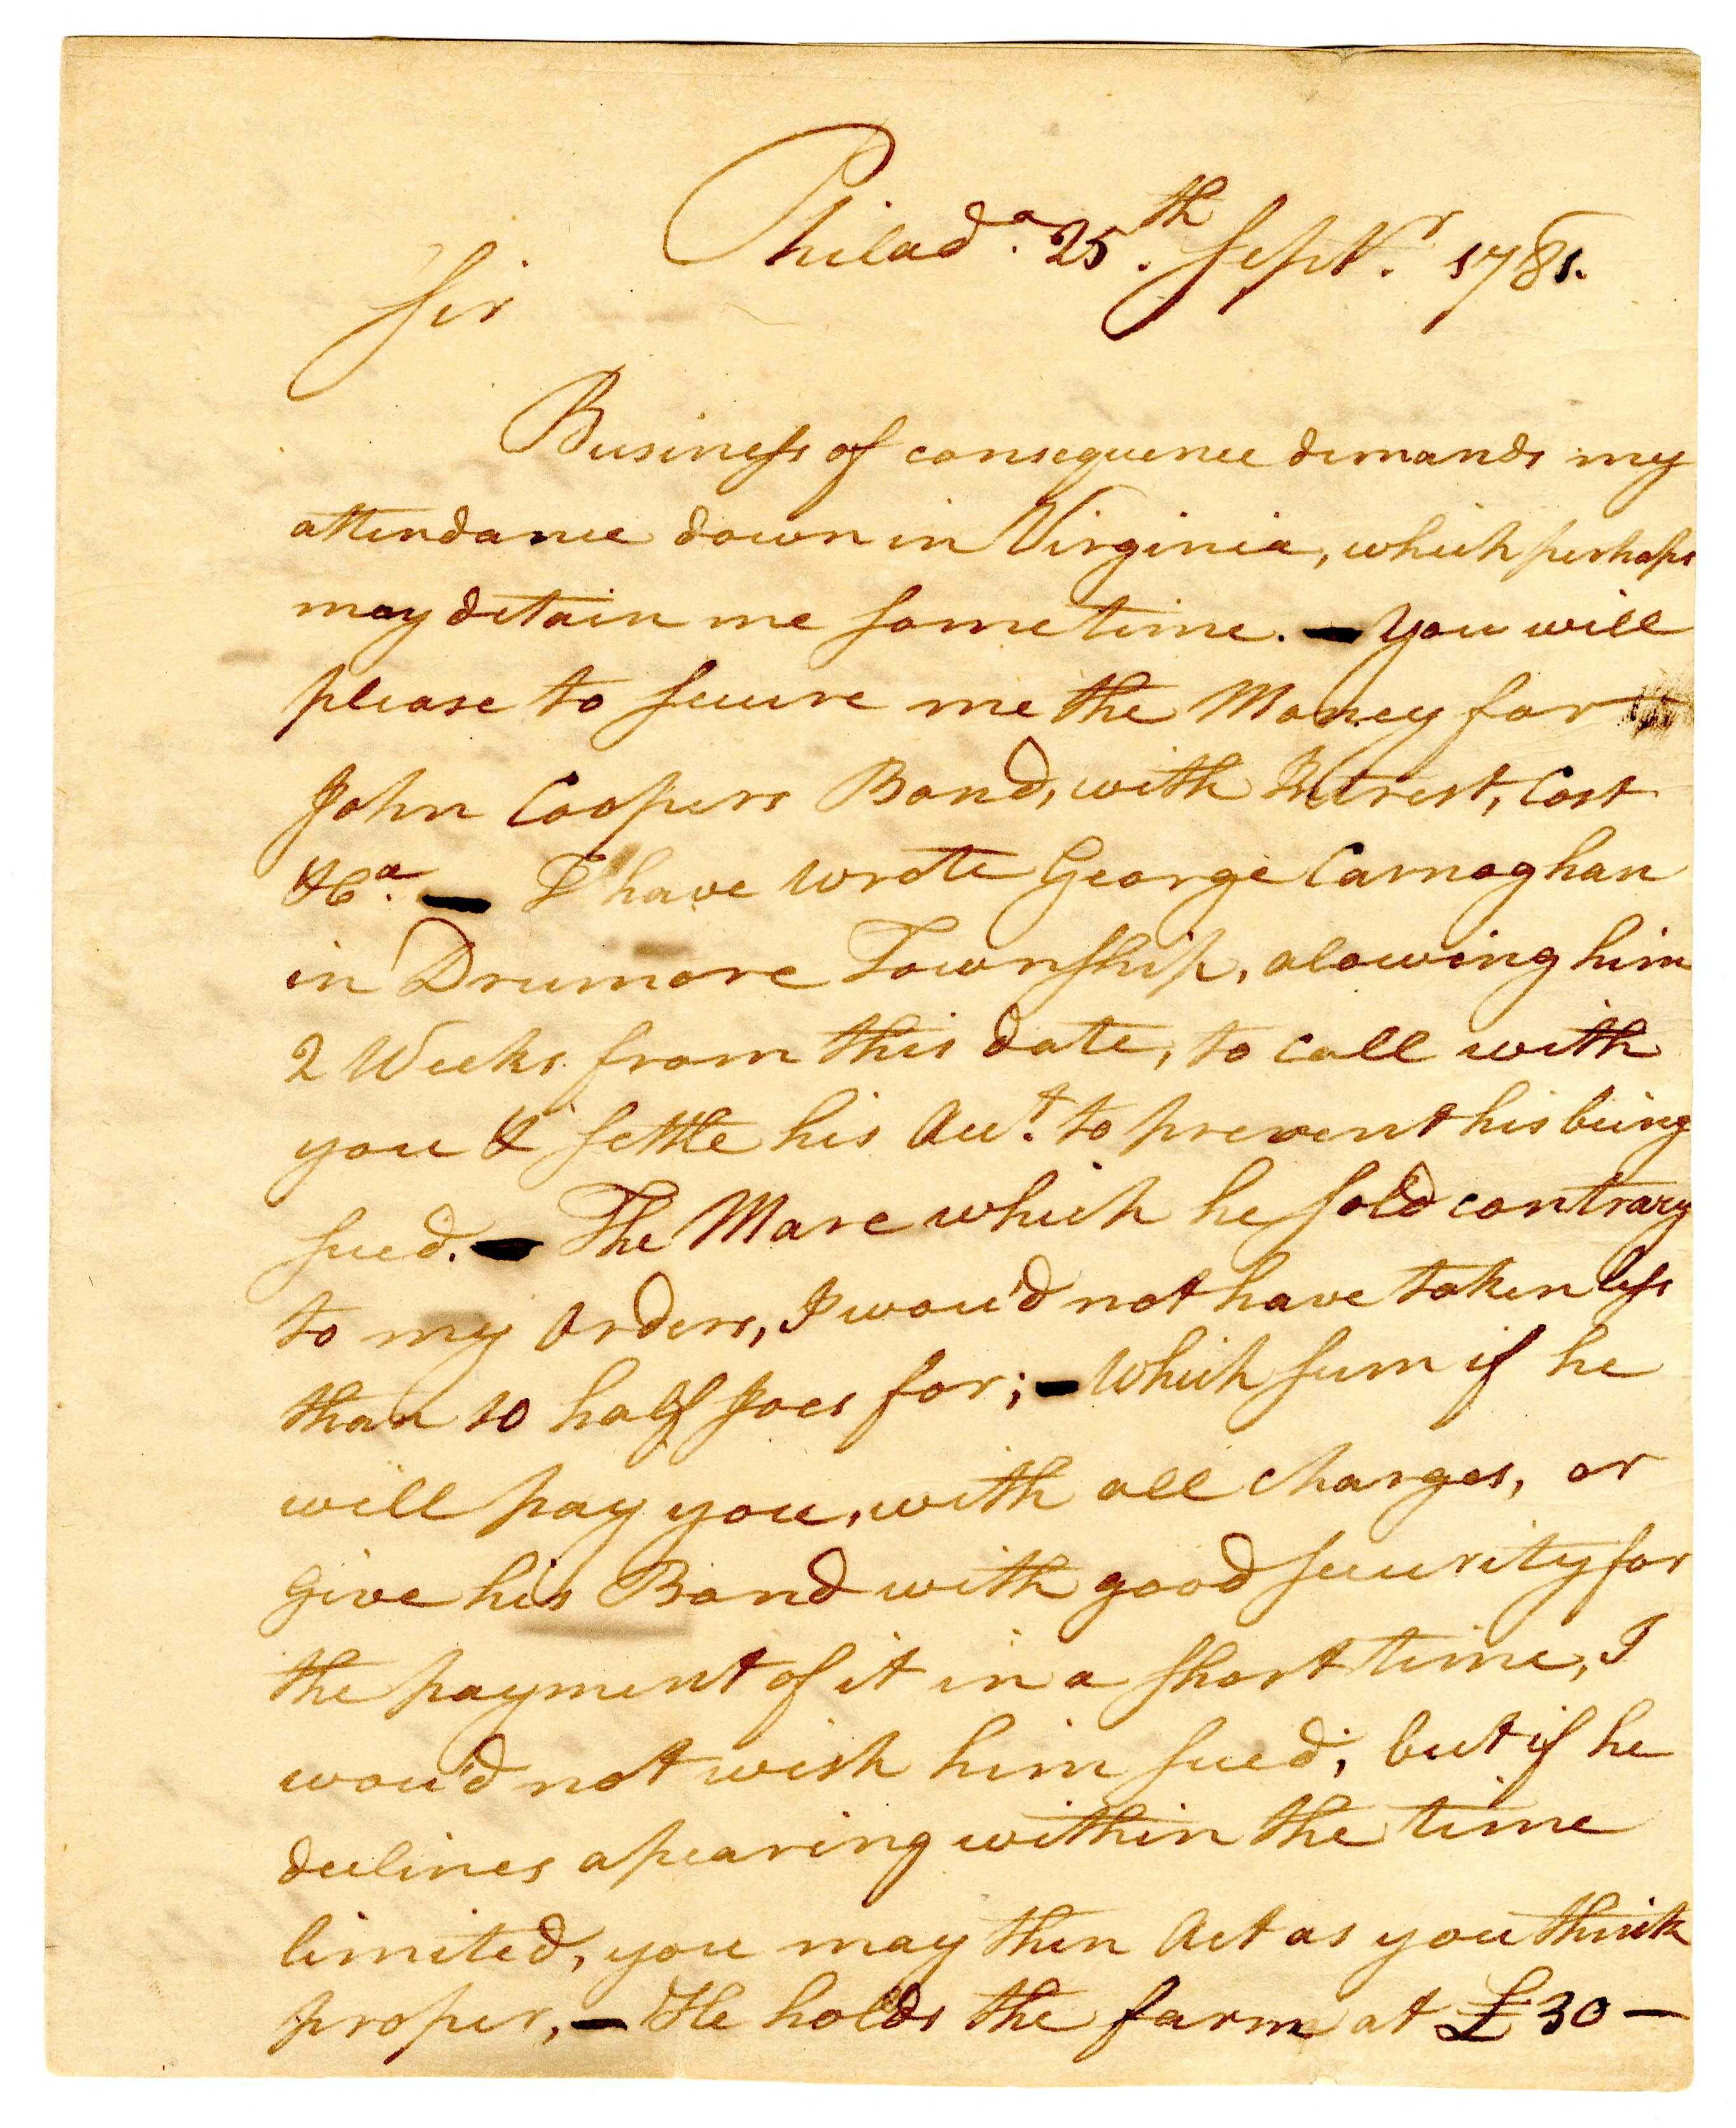Philad^a. 25^th. Sept^r. 1781.
Sir
Business of consequence demands my
attendance down in Virginia, which perhaps
may detain me some time. You will
please to secure me the Money for
John Coopers Bond, with Interest, Cost
&c. I have wrote George Carnaghan
in Drumore Township, alowing him
2 Weeks from this date, to call with
you & settle his Acc^t. to prevent his being
sued. The Mare which he sold contrary
to my orders, I wou'd not have taken less
than 10 half goes for; Which sum if he
will pay you, with all charges, or
give his Bond with good security for
the payment of it in a short time, I
wou'd not wish him sued; but if he
declines apearing within the time
limited, you may then Act as you think
proper, He holds the farm at £30